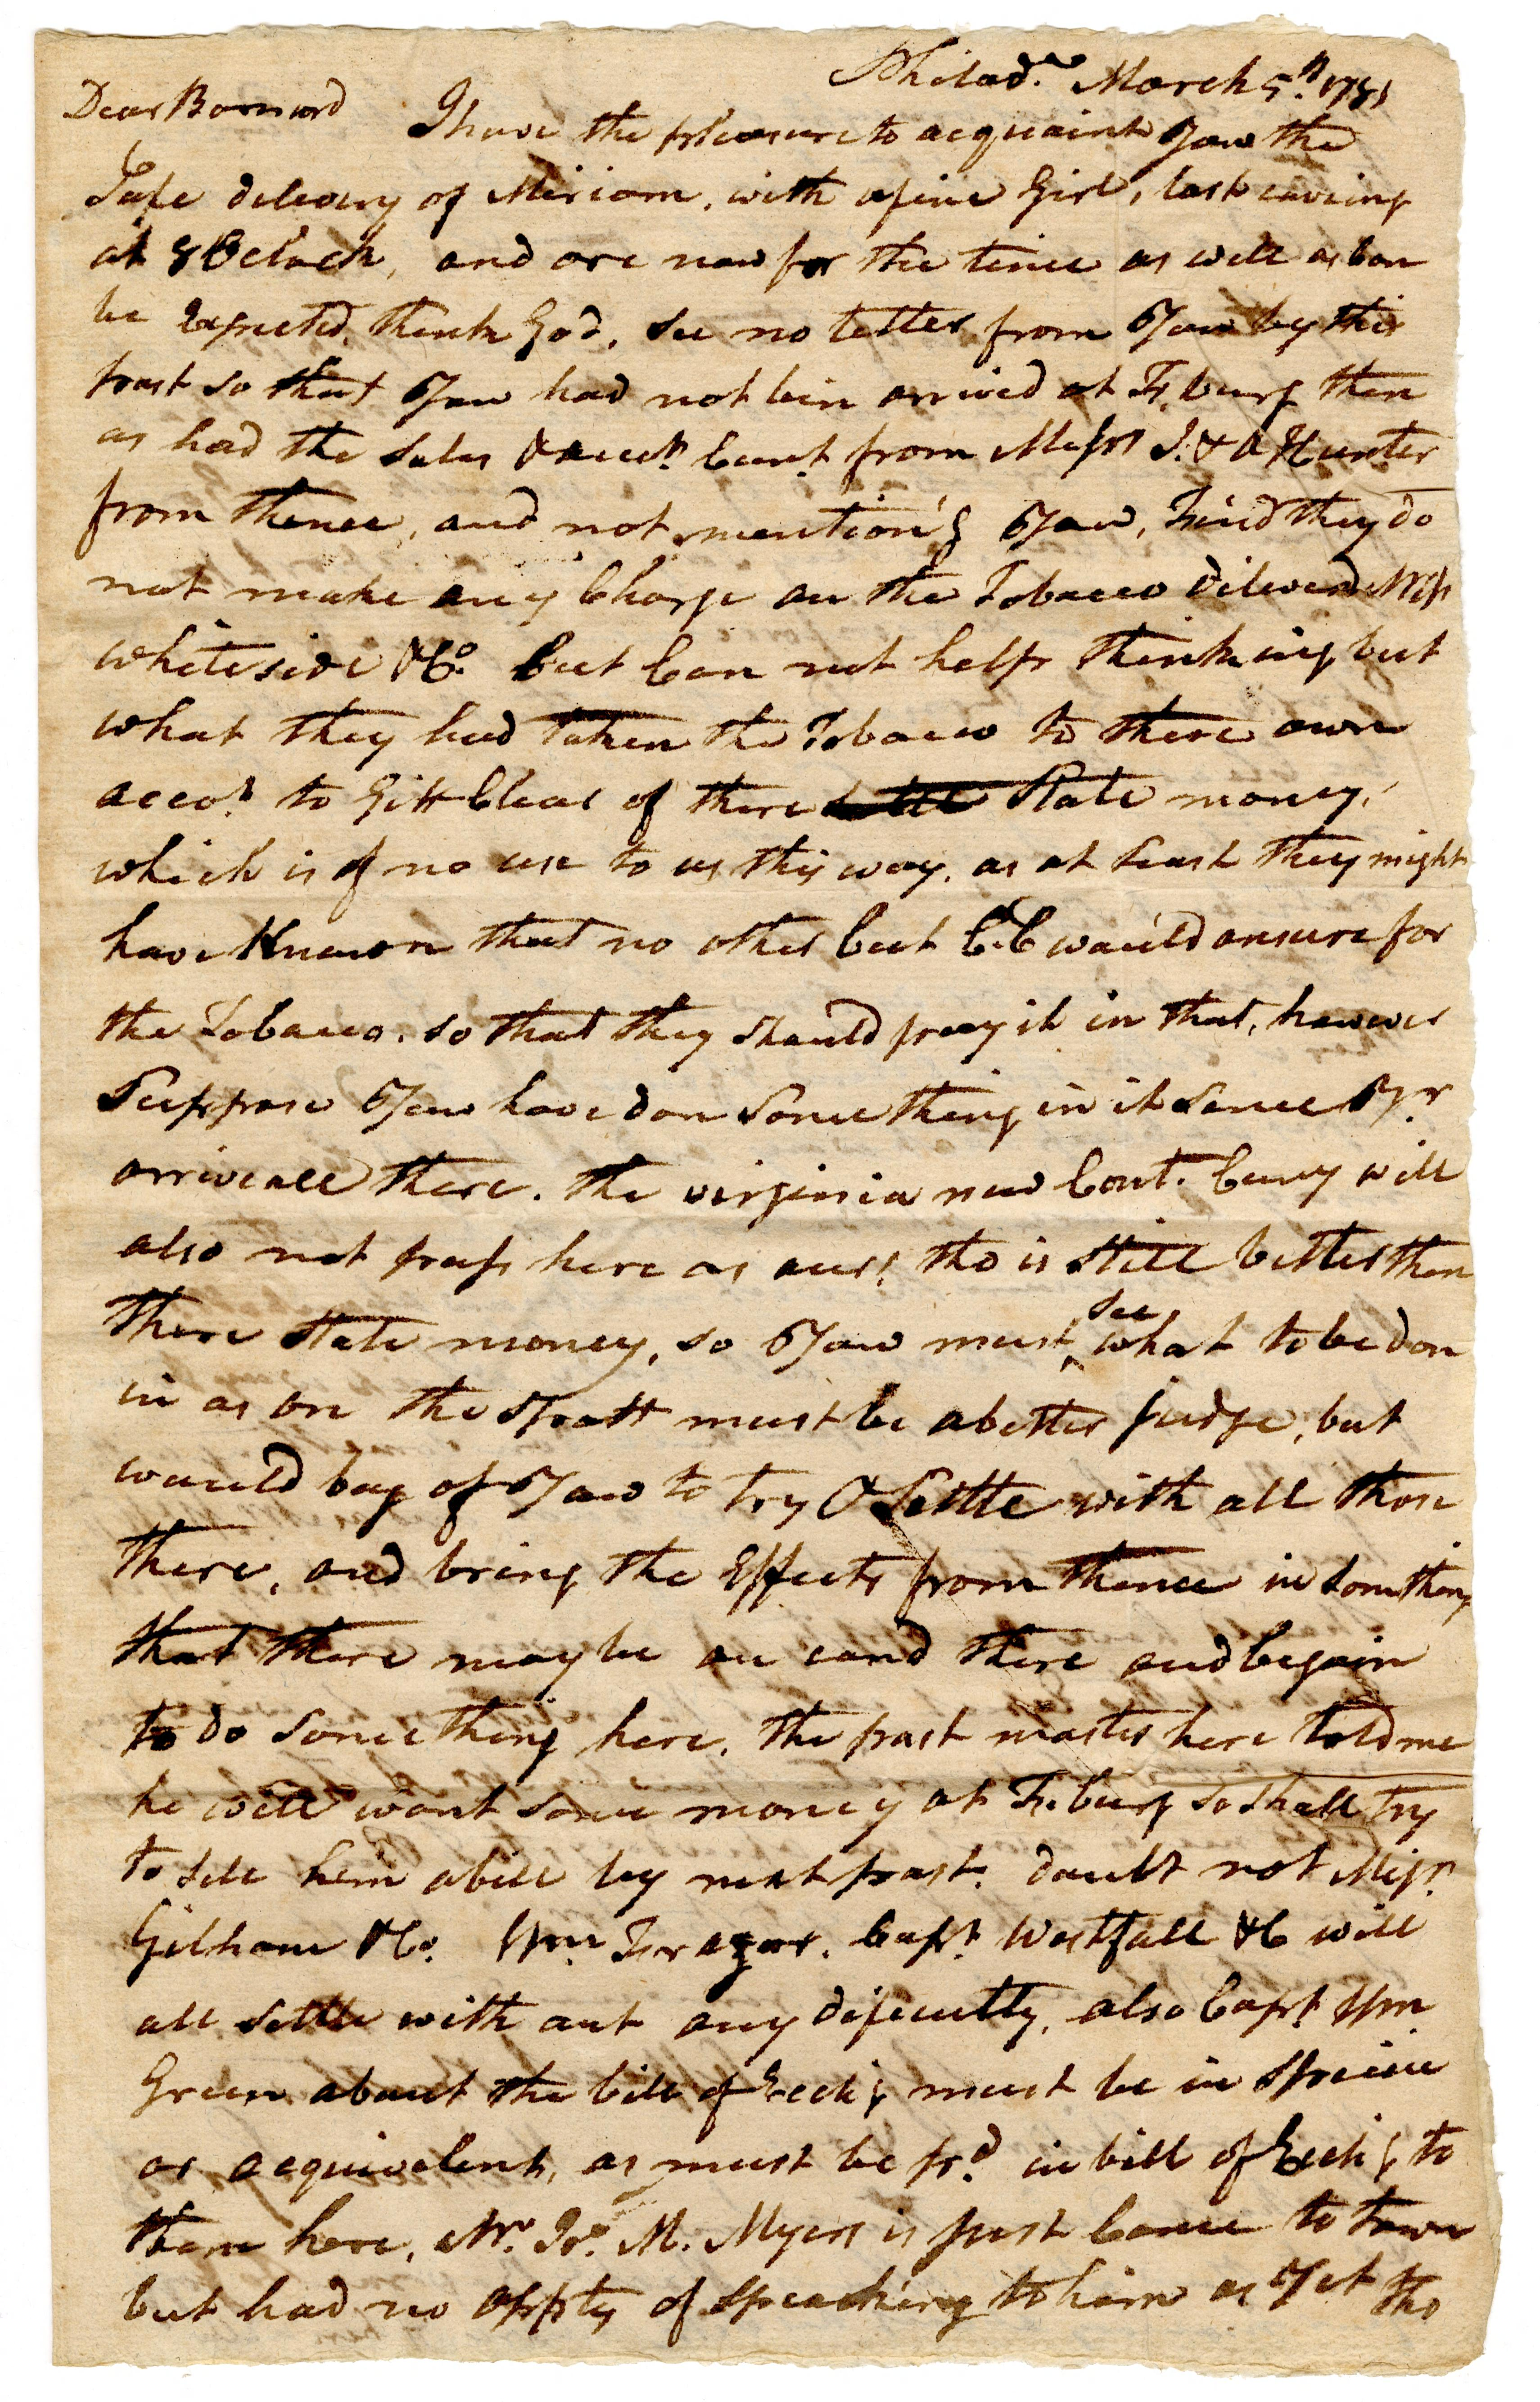Philad^a. March 5^h. 1781
Dear Barnard
I have the pleasure to acquaint you the
safe delivery of Miriam, with a fine Girl, last having
at 8 Oclock, and are now for the time as well as can
be expected thank God, see no letter from You by this
post so that you had not bein arrived a Ft burgh there
as had the sales & acc^t Count from Mess^rs S: & A Hunter
from there, and not mention'g you, Find they do
not make my Charge on the Tobacco delived miss
whiteside &C^a. but Can not help thinking but
what they had taken the Tobacco to there own
acco^t to gitt clear of there [__] state money,
which is of no use to us this way, as at last they might
have known that no other but C C would ansur for
the Tobacco; so that they should pray it in that, however
Suppose you have done some thing in it since Y^r.
arrivall there. the Virginia new Cout: Curry will
also not pass here as ours, tho is still better than
see
There state money, so you must ^ what to be don
in as on the spott must be a better prize, but
would beg of you to try & settle with all those
there, and bring the Effects from thence in sometime
that there maybe an land there and begain
to do something here, the past matter here told me
he will want some money at F.burg so shall try
to sell him a bill by next post doubt not Mes^r.
Gilham &Co. W^m Frogart. Cap^t. Westfall &C will
all settle with out any deficulty also Capt Wm
Green about the bill of Exchg must be in price
as aequivalent, as must be p^d. in bill of Exchg to
them here, M^r. So^n. M. Myers is just come to town
but had no Op^ty of speaking to him as yet tho